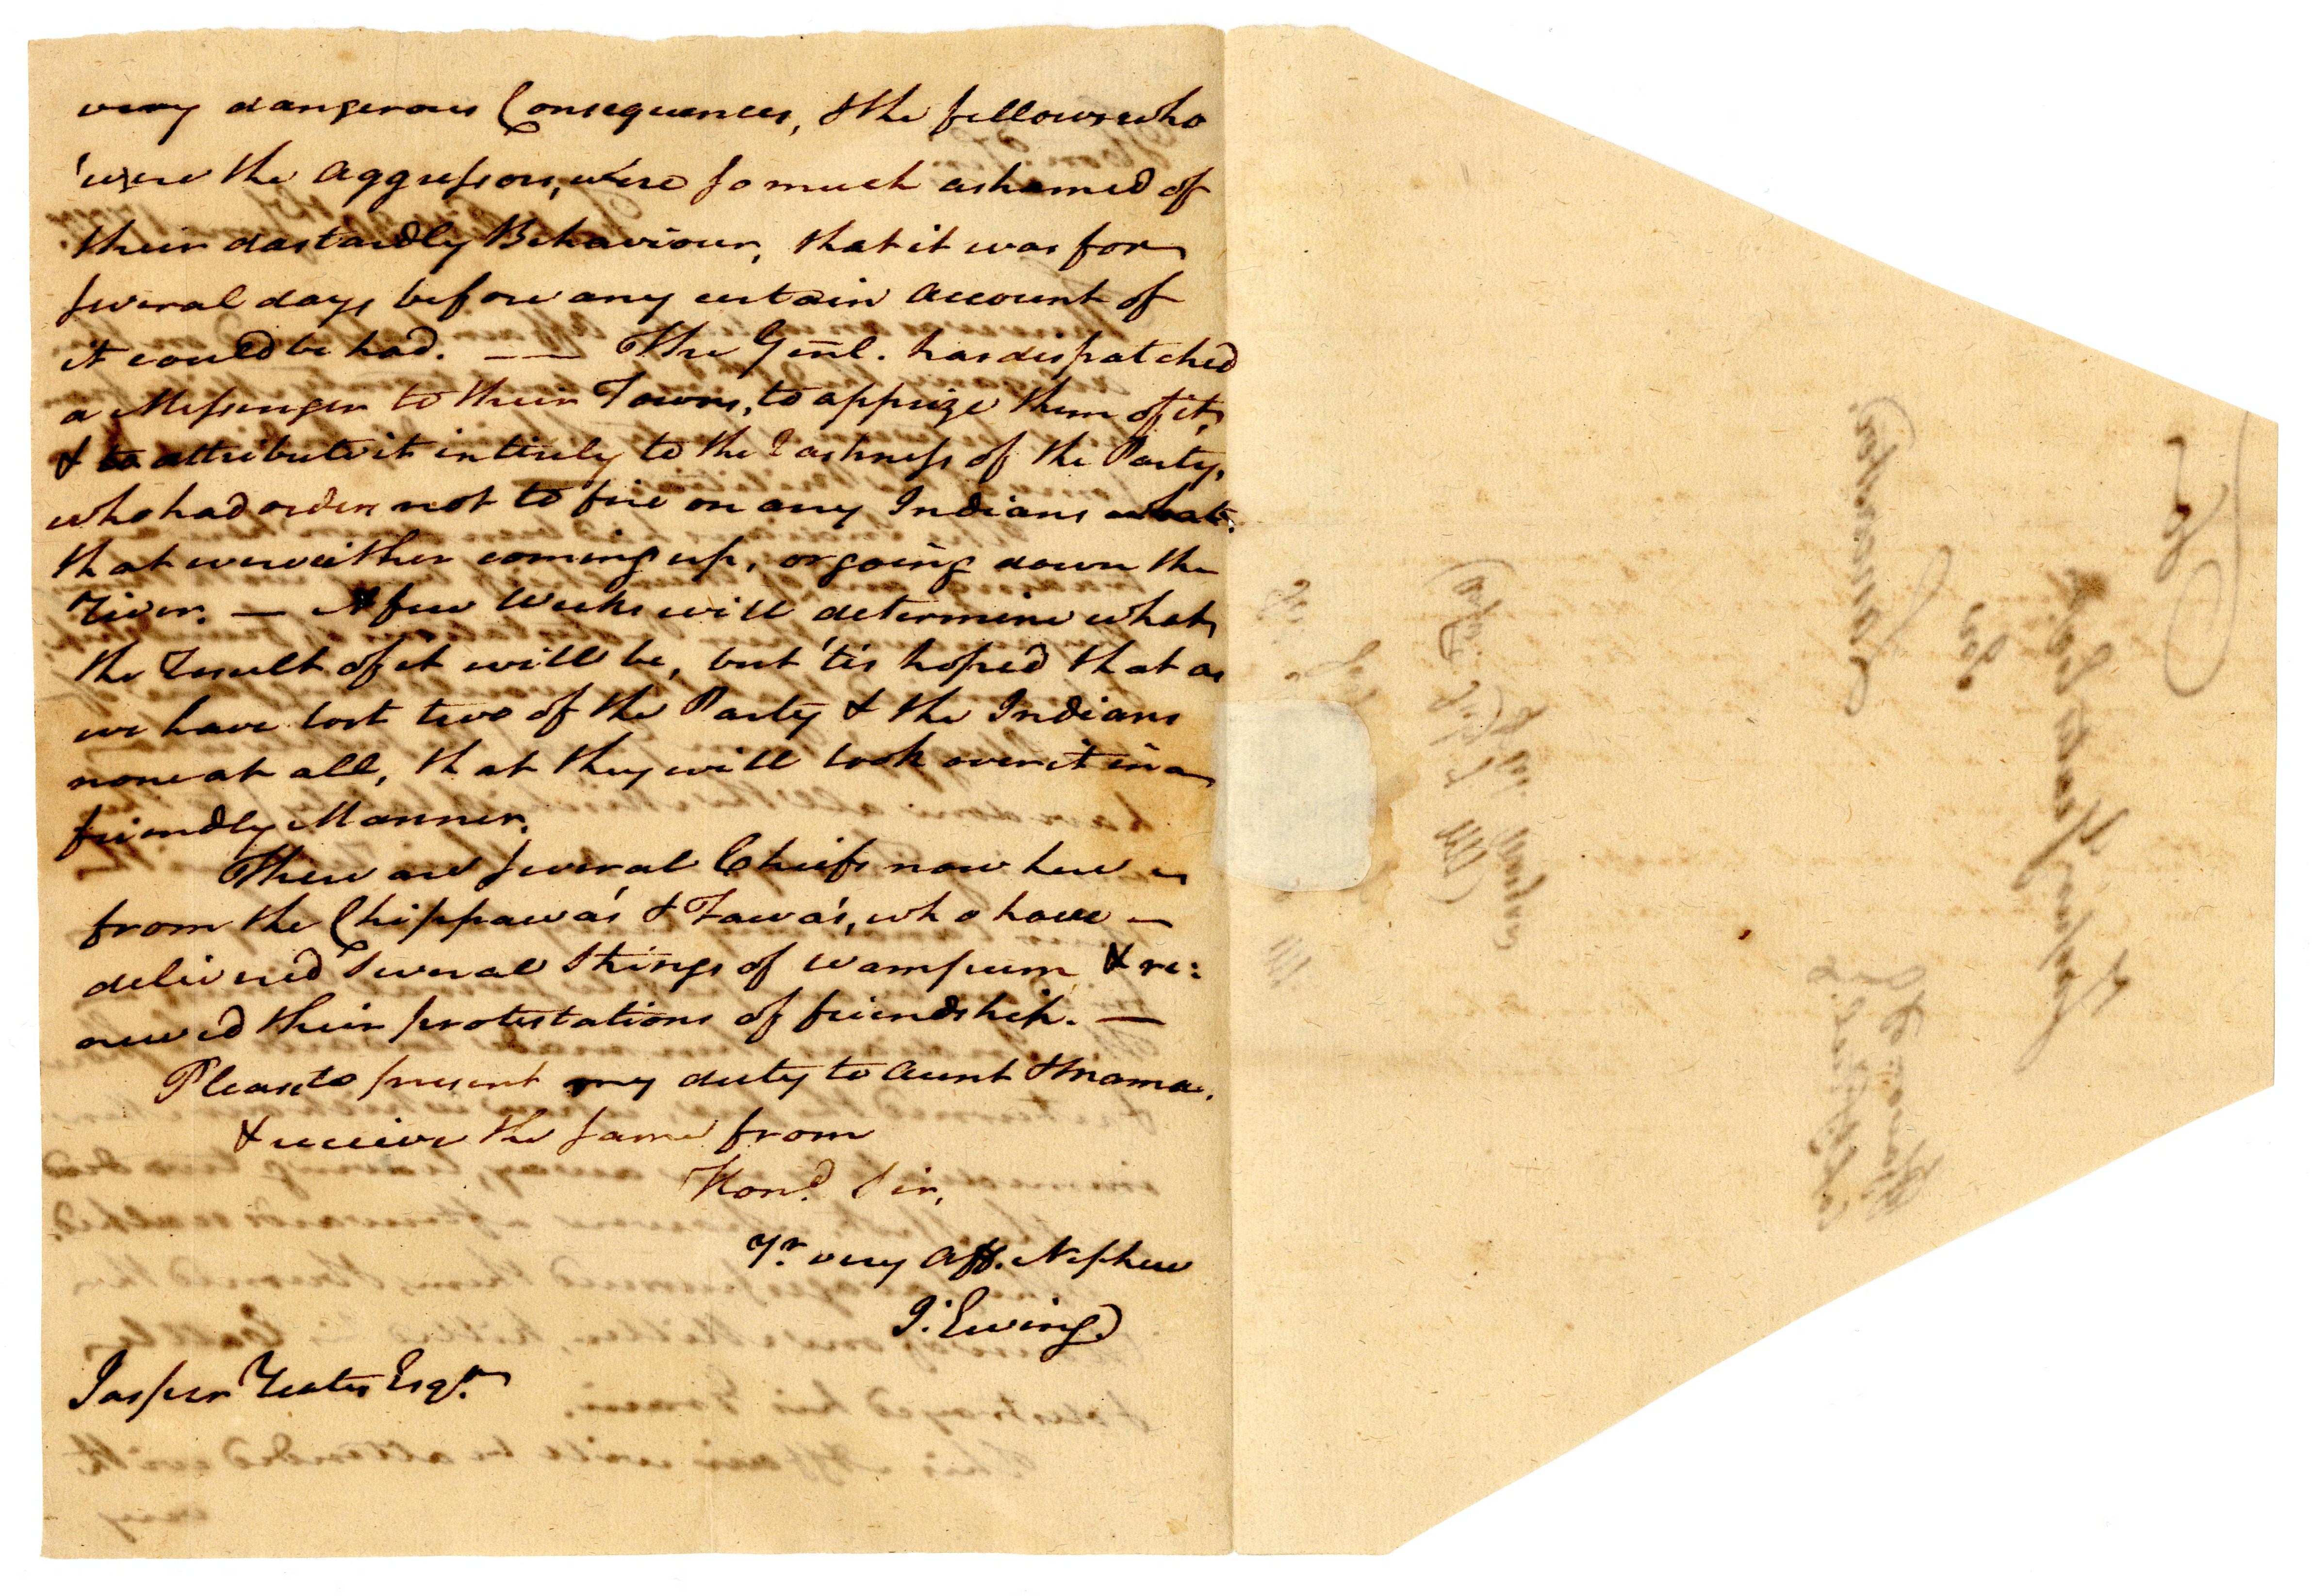very dangerous Consequences, & the fellows who
were the aggressors, were so much ashamed of
their dastardly Behaviour, that it was for
several days before any certain account of
it could be had.- The Gen̄l. has dispatched
a Messenger to their Towns, to apprize them of it,
& to attribute it intirely to the Rashness of the Party,
who had orders not to fire on any Indians what
that were either coming up, or going down the
river.- A few Weeks will determine what
the Result of it will be, but 'tis hoped that as
we have lost two of the Party & the Indians
none at all, that they will look over it in a
friendly Manner.
There are several Chiefs now here-
from the Chippawa's & Tawa's, who have-
delivered several strings of wampum, & re-
newed their protestations of friendship.-
Please to present my duty to Aunt & Mama.
& receive the same from
Hon^d. Sir,
Y^r. very Aff. Nephew
J: Ewing.
Jasper Yeats Esq.